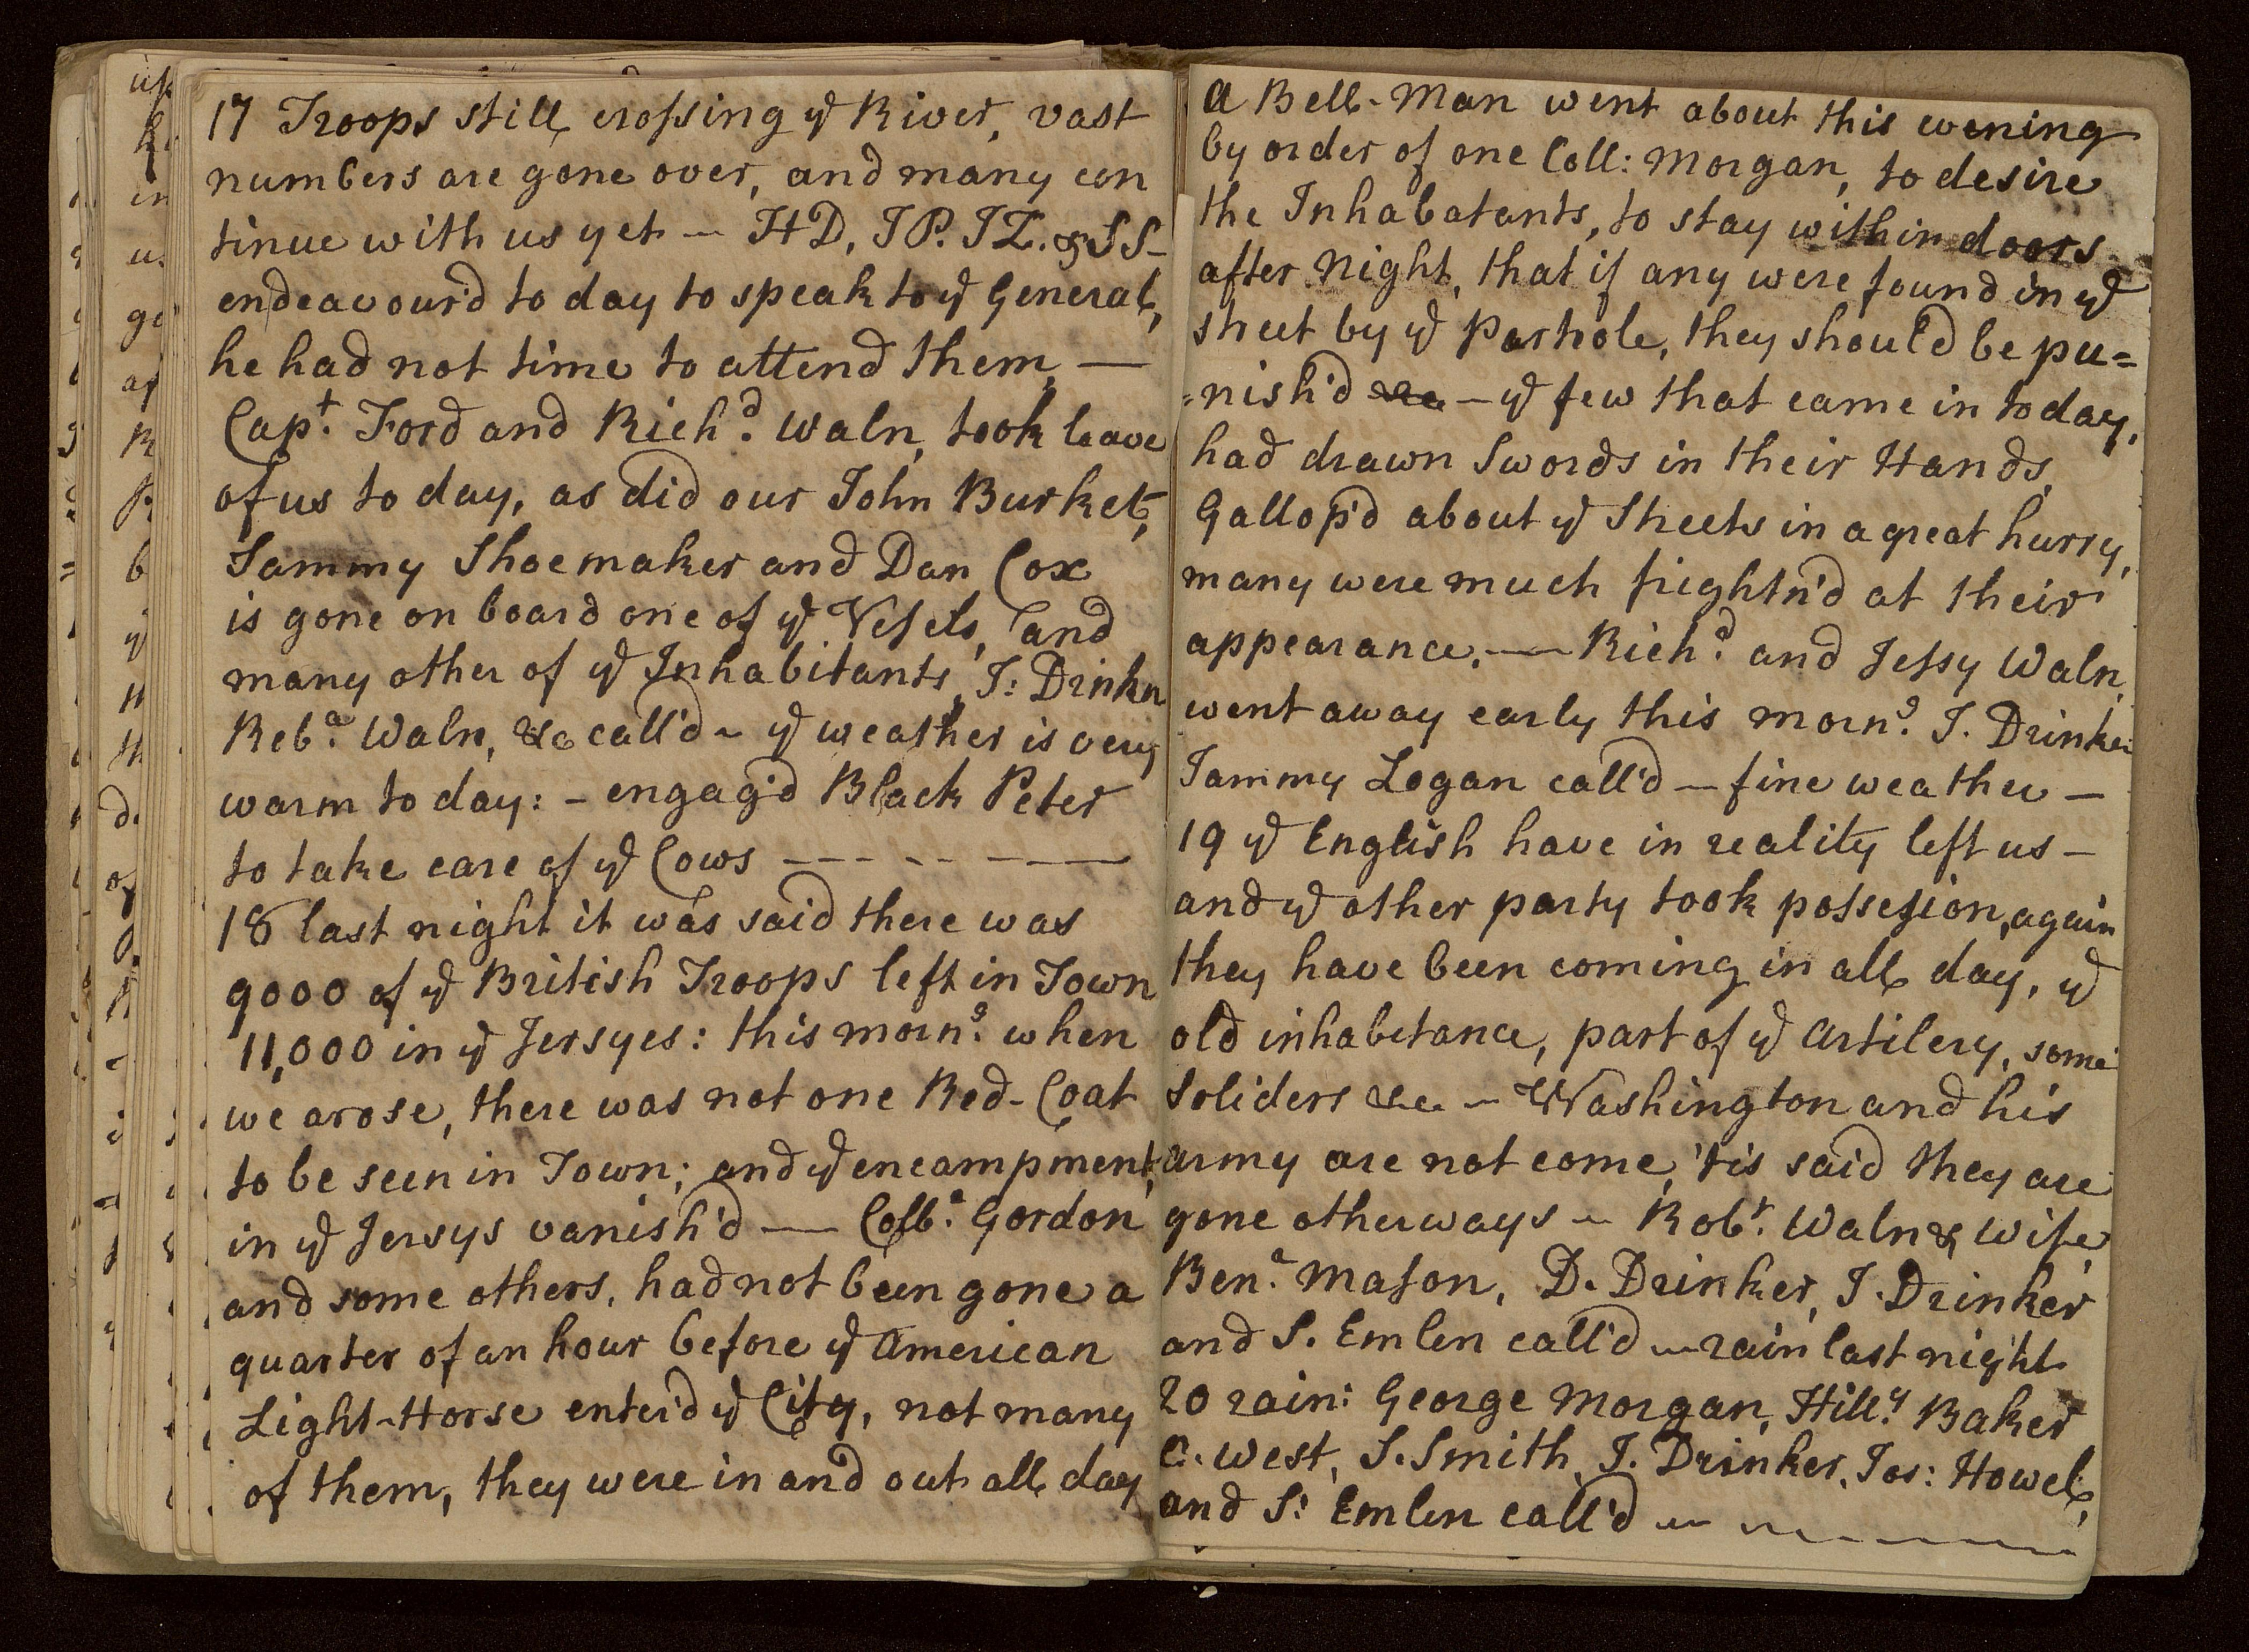17 Troops still crossing y^e River, vast
numbers are gone over, and many con
tinue with us yet- H D, JP. IL. & SS-
endeavour'd to day to speak to y^e General,
he had not time to attend them,-
Cap^t. Ford and Rich^d. Waln, took leave
of us to day, as did our John Burket,
Sammy Shoemaker and Dan Cox
is gone on board one of y^e Vesels, and
many other of y^e Inhabitants J: Drinker
Reb^a. Waln, &c call'd- y^e weather is very
warm to day:- engag'd Black Peter
to take care of y^e Cows------
18 last night it was said there was
9000 of y^e British Troops left in Town
11,000 in y^e Jersyes: this morn^g. when
we arose, there was not one Red- Coat
to be seen in Town; and y^e encampment,
in y^e Jersys vanish'd- Coll^l. Gordan
and some others, had not been gone a
quarter of an hour before y^e American
Light-Horse enter'd y^e City, not many
of them, they were in and out all day
A Bell-Man went about this evening
by order of one Coll: Morgan, to desire
the Inhabatants, to stay within doors.
after Night, that if any were found in y^e
street by y^e Partrole, they should be pu-
-nish'd &c- y^e few that came in to day,
had drawn Swords in their Hands.
Gallop'd about y^e Streets in a great hurry,
nany were much frightn'd at their
appearance,- Rich.^d and Jessy Waln,
went away early this morn.^g. J. Drinker
Jammy Logan call'd- fine weather-
19 y^e English have in reality left us-
and y^e other party took possession, again
they have been coming in all day, y^e
old inhabitance, part of y^e Artilery, some
Soliders &c- Washington and his
army are not come, 'tis said they are
gone otherways- Rob^t. Waln & wife
Ben^a. Mason, D. Drinker, J. Drinker
and S. Emlen call'd -rain last night
20 rain: George Morgan, Hill^y. Baker
C. West, S. Smith, J. Drinker, Jos: Howel
and S: Emlen call'd